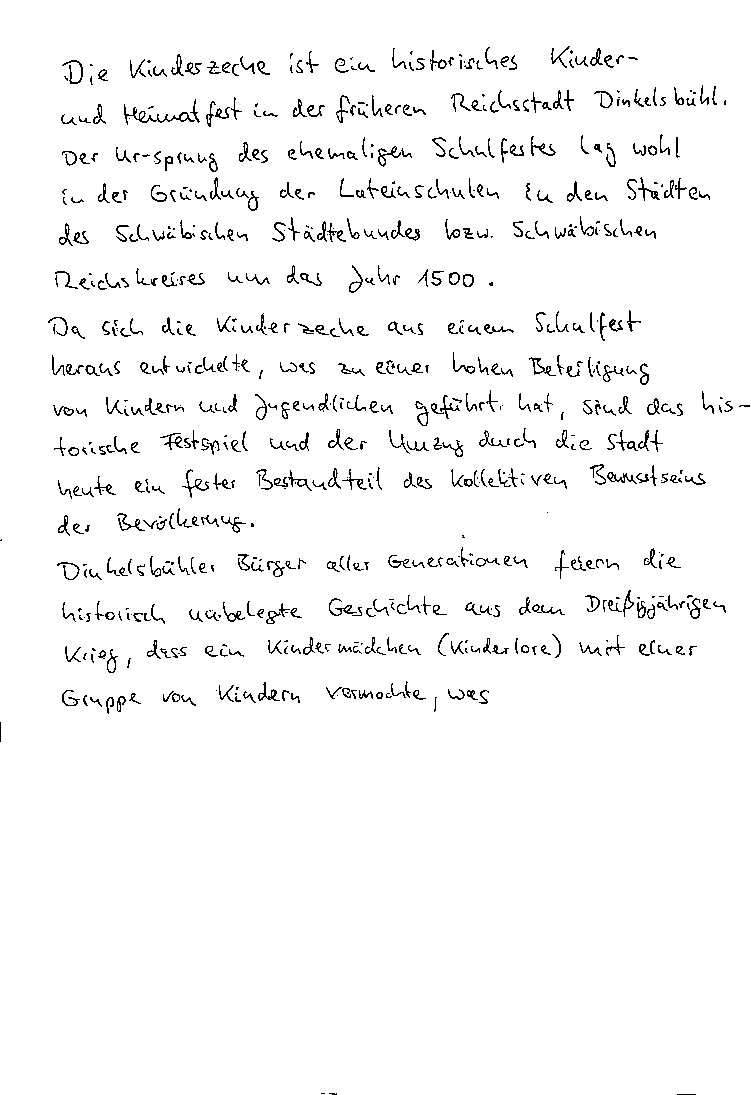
Die Kinderzeche ist ein historisches Kinder-
und Heimatfest in der früheren Reichsstadt Dinkelsbühl.
Der Ursprung des ehemaligen Schulfestes lag wohl
in der Gründung der Lateinschulen in den Städten
des Schwäbischen Städtebundes bzw. Schwäbischen
Reichskreises um das Jahr 1500.
Da sich die Kinderzeche aus einem Schulfest
heraus entwickelte, was zu einer hohen Beteiligung
von Kindern und Jugendlichen geführt hat, sind das his-
torische Festspiel und der Umzug durch die Stadt
heute ein fester Bestandteil des kollektiven Bewusstseins
der Bevölkerung.
Dinkelsbühler Bürger aller Generationen feiern die
historisch unbelegte Geschichte aus dem Dreißigjährigen
Krieg, dass ein Kindermädchen (Kinderlore) mit einer
Gruppe von Kindern vermochte, was
